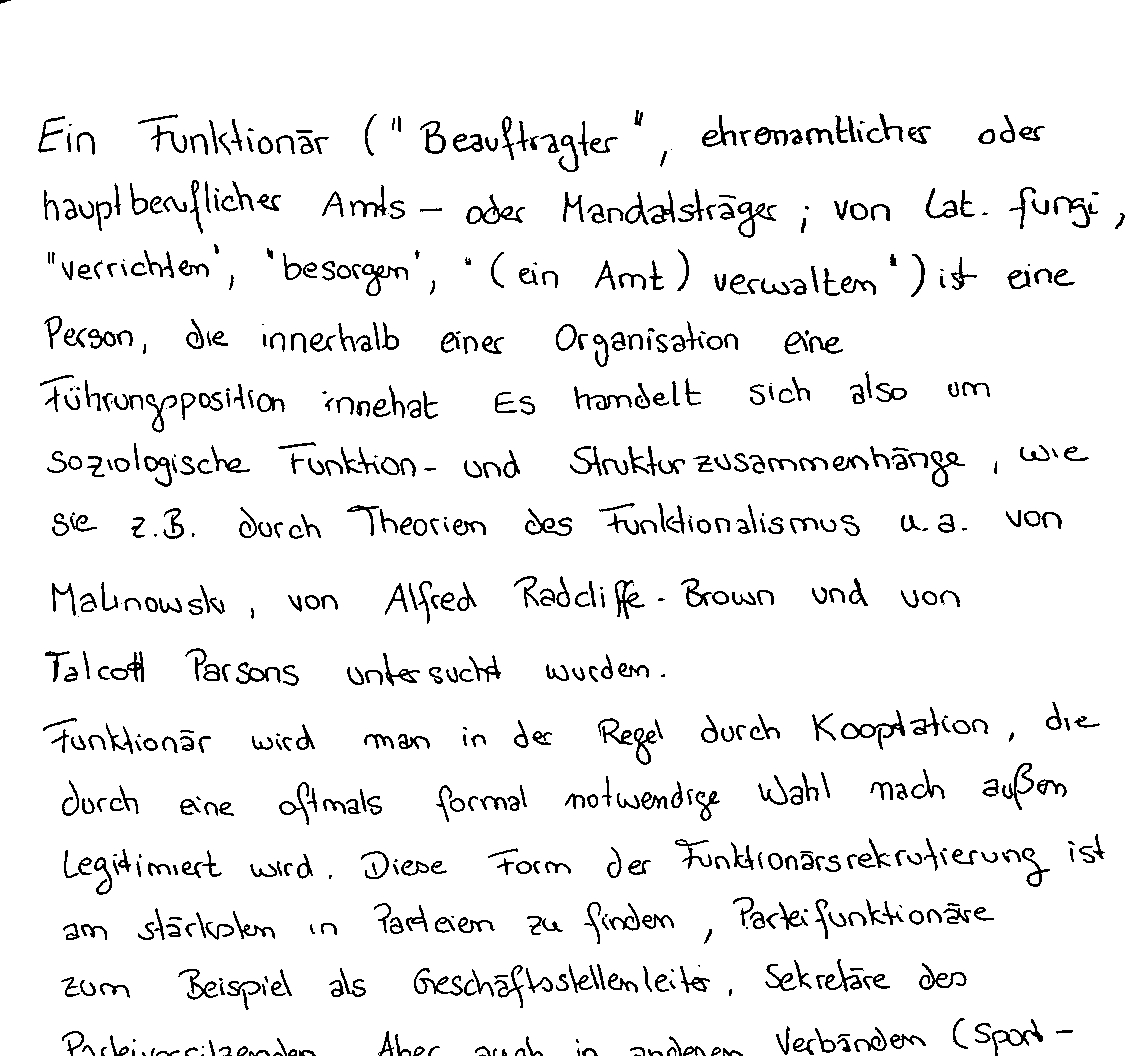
Ein Funktionär ("Beauftragter", ehrenamtlicher oder
hauptberuflicher Amts- oder Mandatsträger; von lat. fungi,
"verrichten", "besorgen", "(ein Amt) verwalten") ist eine
Person, die innerhalb einer Organisation eine
Führungsposition innehat. Es handelt sich also um
soziologische Funktions- und Strukturzusammenhänge, wie
sie z. B. durch Theorien des Funktionalismus u. a. von
Malinowski, von Alfred Radcliffe-Brown und von
Talcott Parsons untersucht wurden.
Funktionär wird man in der Regel durch Kooptation, die
durch eine oftmals formal notwendige Wahl nach außen
legitimiert wird. Diese Form der Funktionärsrekrutierung ist
am stärksten in Parteien zu finden, Parteifunktionäre
zum Beispiel als Geschäftsstellenleiter, Sekretäre des
